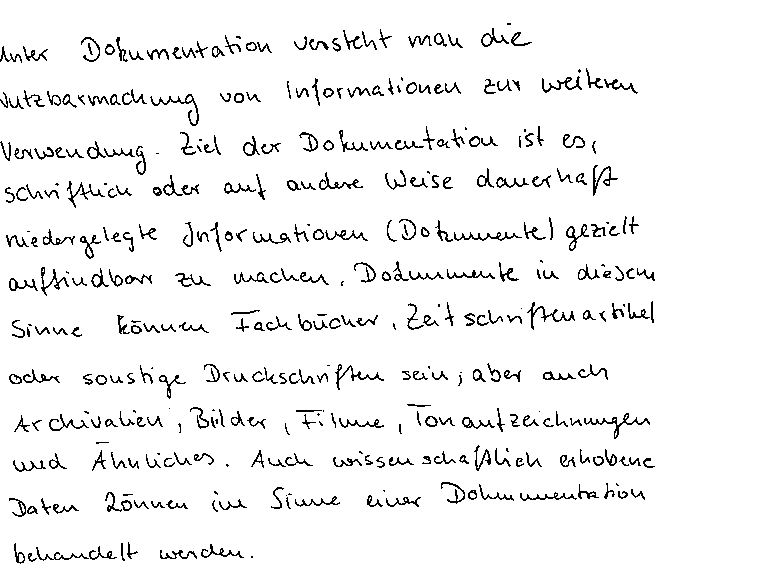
Unter Dokumentation versteht man die
Nutzbarmachung von Informationen zur weiteren
Verwendung Ziel der Dokumentation ist es,
schriftlich oder auf andere Weise dauerhaft
niedergelegte Informationen (Dokumente) gezielt
auffindbar zu machen, Dokumente in diesem
Sinne können Fachbücher, Zeitschriftenartikel
oder sonstige Druckschriften sein, aber auch
Archivalien, Bilder, Filme, Tonaufzeichnungen
und Ähnliches. Auch wissenschaftlich erhobene
Daten können im Sinne einer Dokumentation
behandelt werden.
